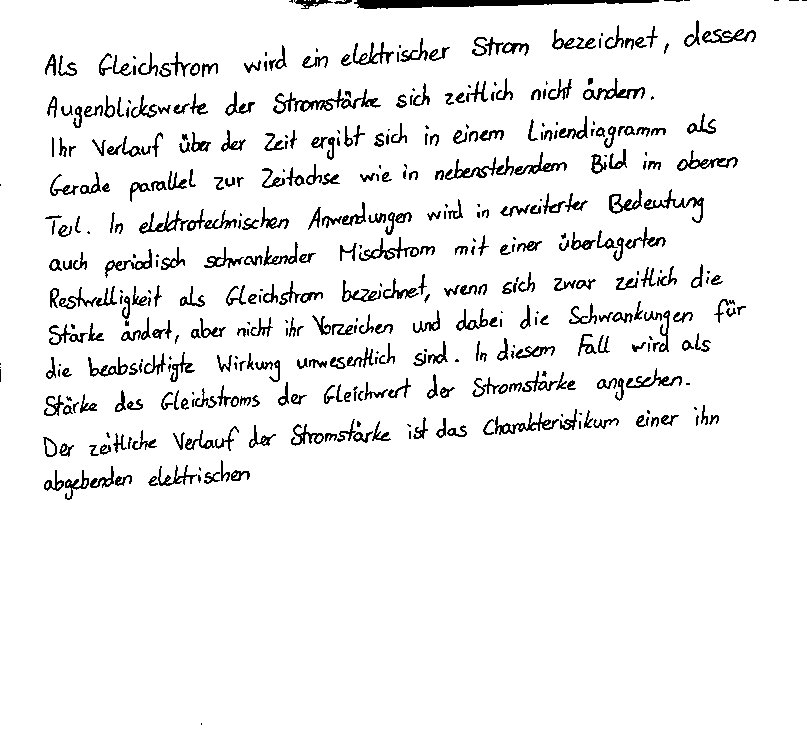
Als Gleichstrom wird ein elektrischer Strom bezeichnet, dessen
Augenblickswerte der Stromstärke sich zeitlich nicht ändern.
Ihr Verlauf über der Zeit ergibt sich in einem Liniendiagramm als
Gerade parallel zur Zeitachse wie in nebenstehendem Bild im oberen
Teil. In elektrotechnischen Anwendungen wird in erweiterter Bedeutung
auch periodisch schwankender Mischstrom mit einer überlagerten
Restwelligkeit als Gleichstrom bezeichnet, wenn sich zwar zeitlich die
Stärke ändert, aber nicht ihr Vorzeichen und dabei die Schwankungen für
die beabsichtigte Wirkung unwesentlich sind. In diesem Fall wird als
Stärke des Gleichstroms der Gleichwert der Stromstärke angesehen.
Der zeitliche Verlauf der Stromstärke ist das Charakteristikum einer ihn
abgebenden elektrischen
